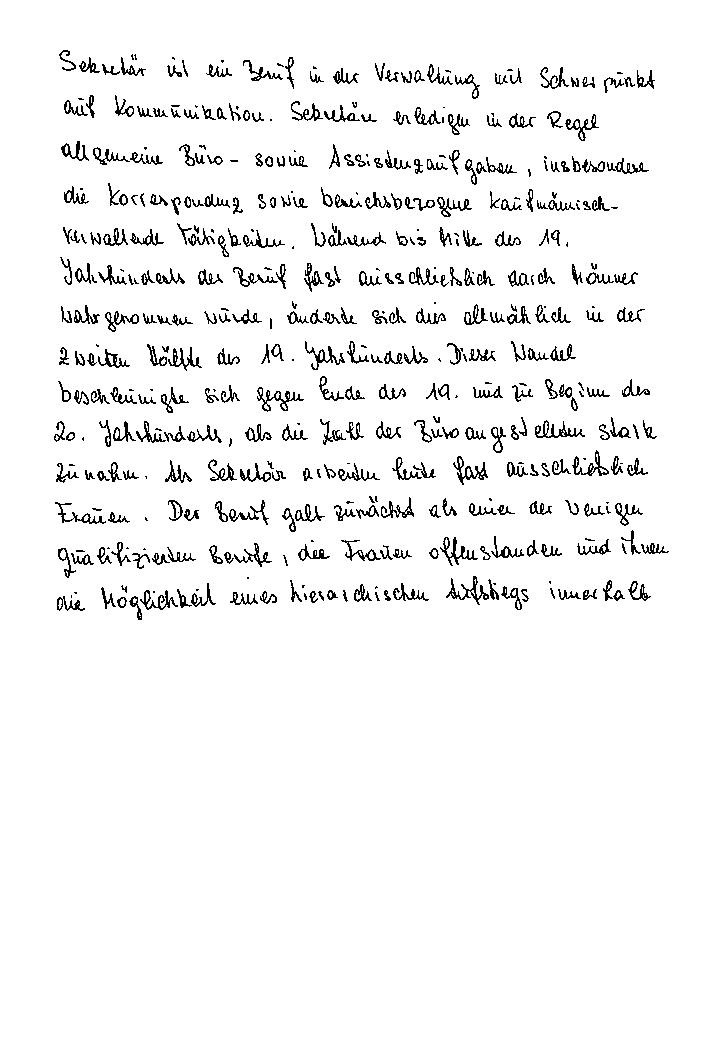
ekretär ist ein Beruf in der Verwaltung mit Schwerpunkt
auf Kommunikation. Sekretäre erledigen in der Regel
allgemeine Büro- sowie Assistenzaufgaben, insbesondere
die Korrespondenz sowie bereichsbezogene kaufmännisch-
verwaltende Tätigkeiten. Während bis Mitte des 19.
Jahrhunderts der Beruf fast ausschließlich durch Männer
wahrgenommen wurde, änderte sich dies allmählich in der
zweiten Hälfte des 19. Jahrhunderts. Dieser Wandel
beschleunigte sich gegen Ende des 19. und zu Beginn des
20. Jahrhunderts, als die Zahl der Büroangestellten stark
zunahm. Als Sekretär arbeiten heute fast ausschließlich
Frauen. Der Beruf galt zunächst als einer der wenigen
qualifizierten Berufe, die Frauen offenstanden und ihnen
die Möglichkeit eines hierarchischen Aufstiegs innerhalb
